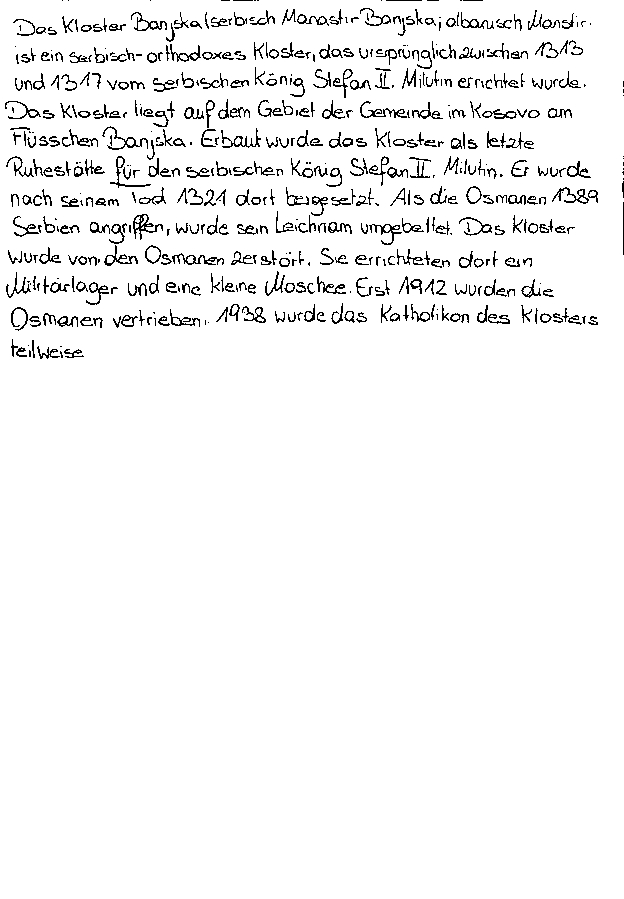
Das Kloster Banjska (serbisch Manastir Banjska; albanisch Manstiri
ist ein serbisch-orthodoxes Kloster, das ursprünglich zwischen 1313
und 1317 vom serbischen König Stefan II. Milutin errichtet wurde.
Das Kloster liegt auf dem Gebiet der Gemeinde im Kosovo am
Flüsschen Banjska. Erbaut wurde das Kloster als letzte
Ruhestätte für den serbischen König Stefan II. Milutin. Er wurde
nach seinem Tod 1321 dort beigesetzt. Als die Osmanen 1389
Serbien angriffen, wurde sein Leichnam umgebettet. Das Kloster
wurde von den Osmanen zerstört. Sie errichteten dort ein
Militärlager und eine kleine Moschee. Erst 1912 wurden die
Osmanen vertrieben. 1938 wurde das Katholikon des Klosters
teilweise
